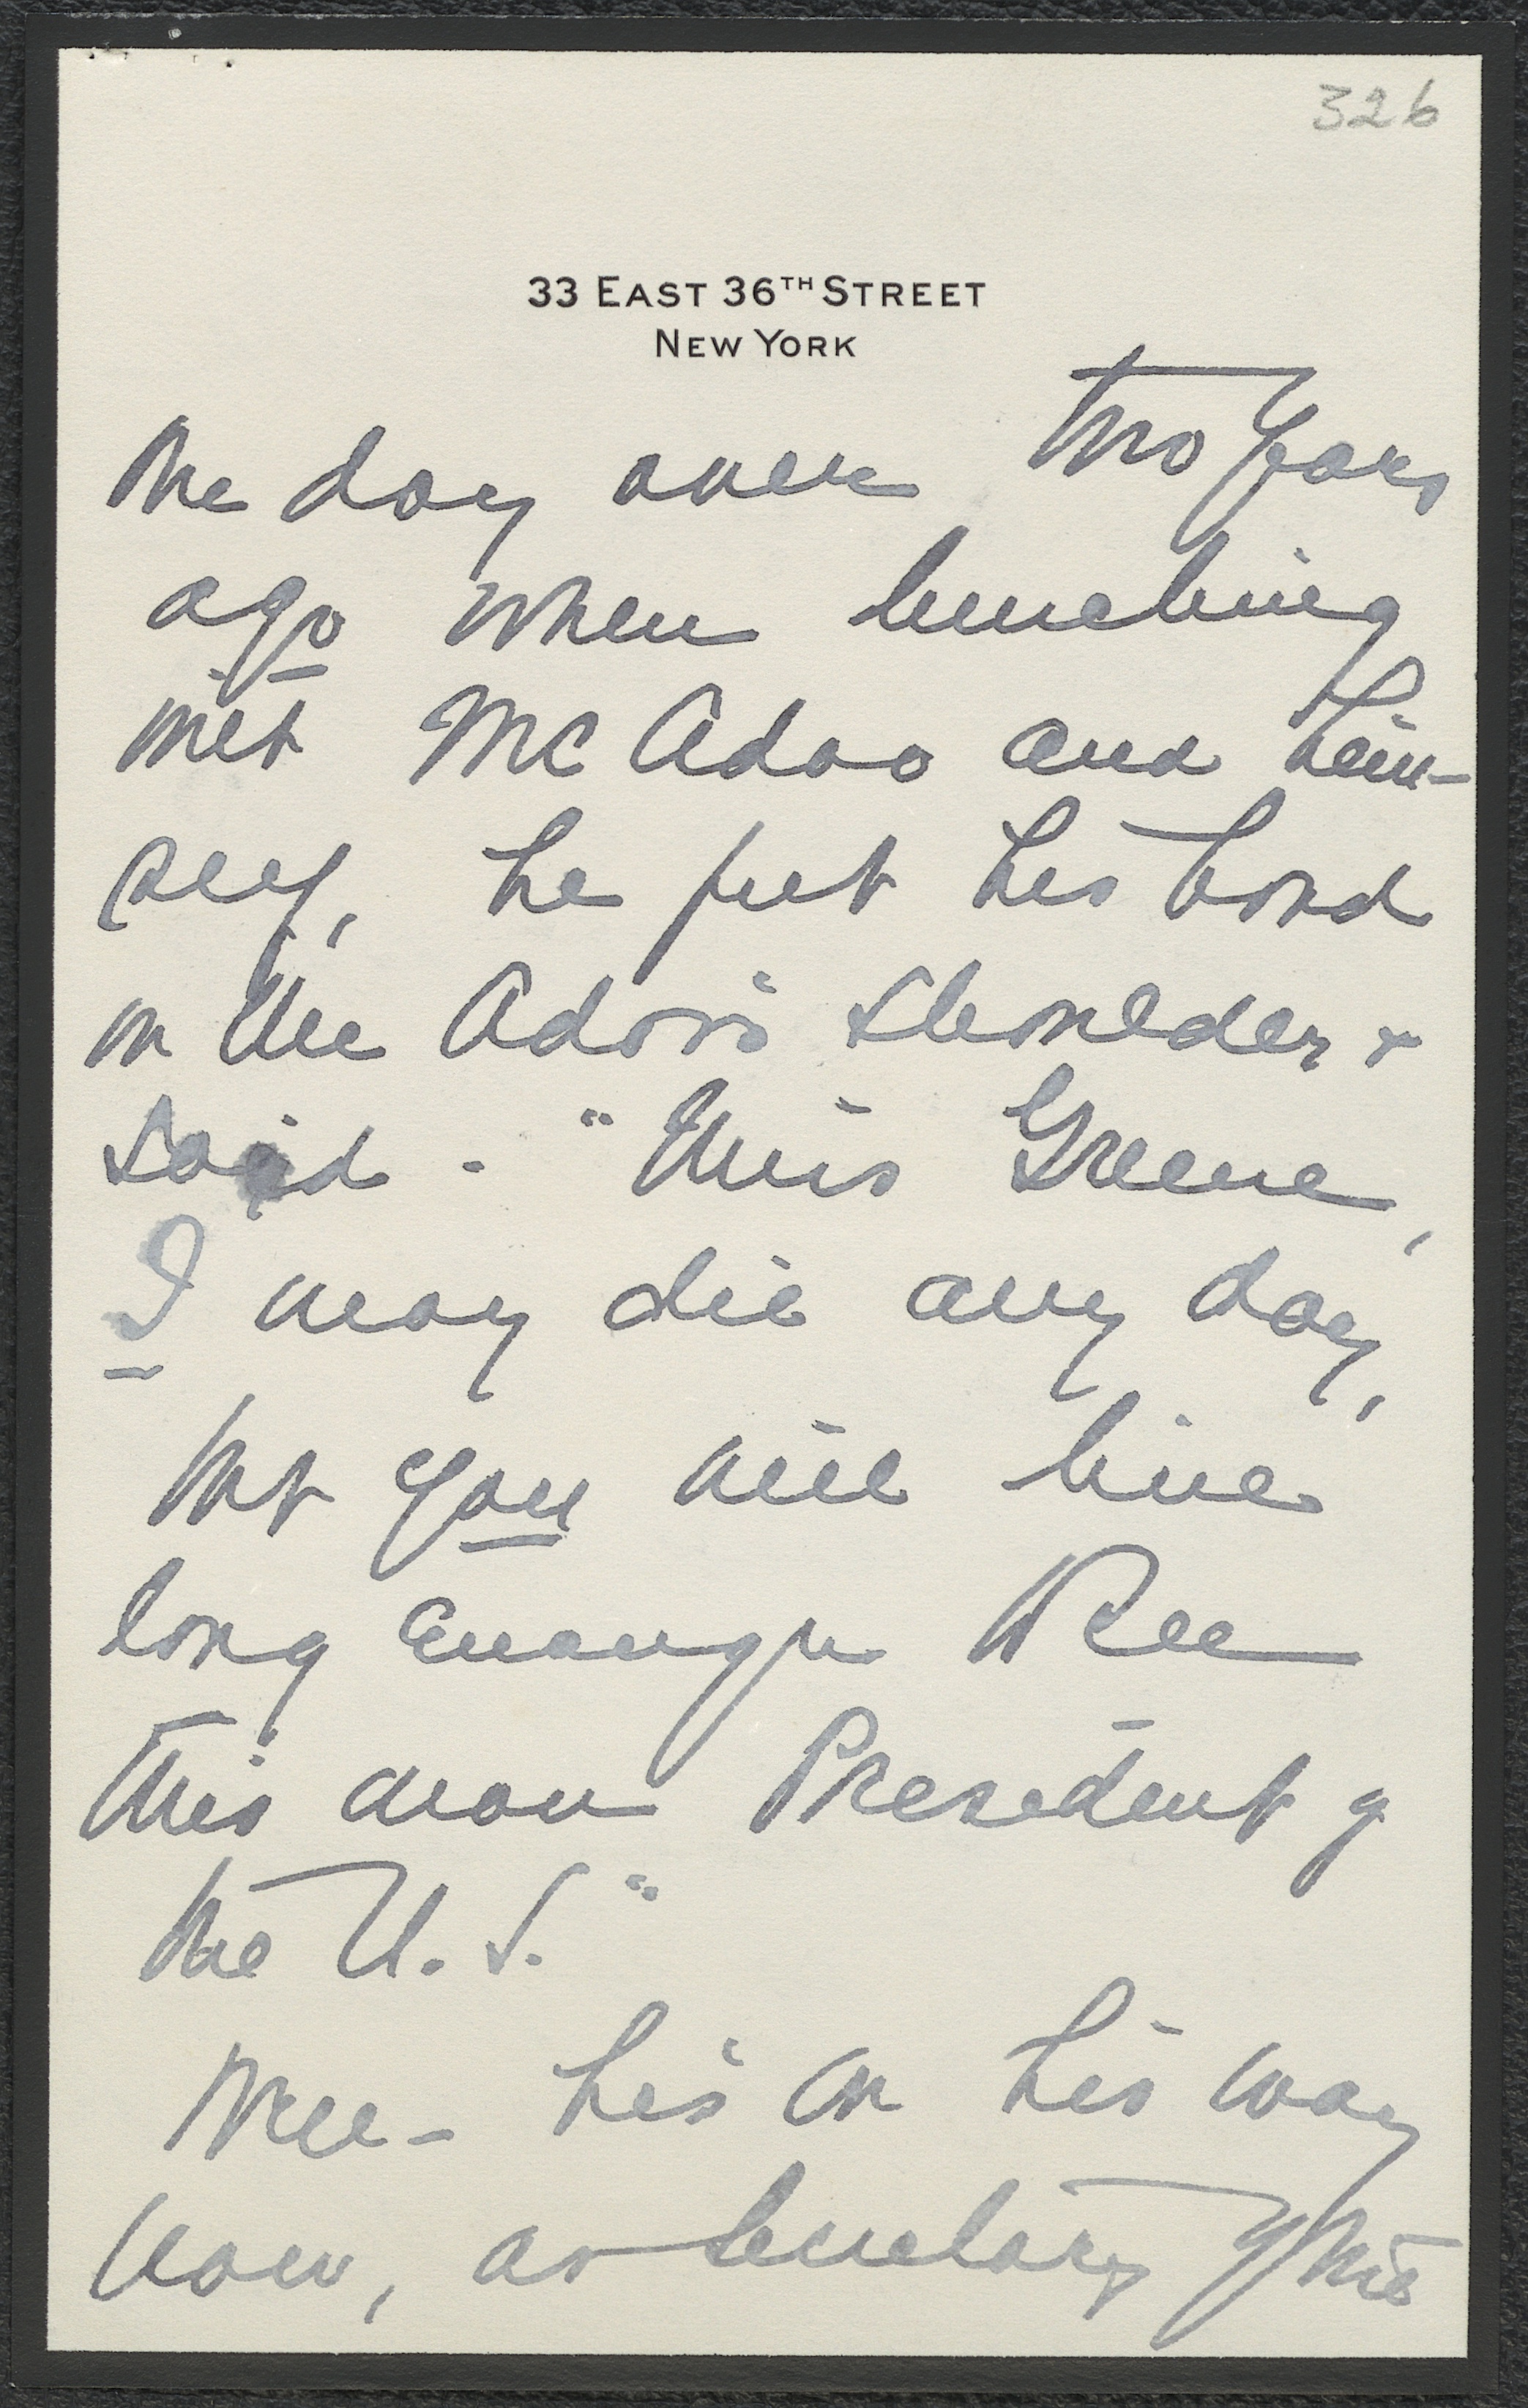one day over two years ago when lunching with McAdoo and himself, he put his hand on McAdoo’s shoulder & said – “Miss Greene, I may die any day, but you will live long enough to see this man President of the U.S.”
Well – he’s on his way now, as Secretary of the